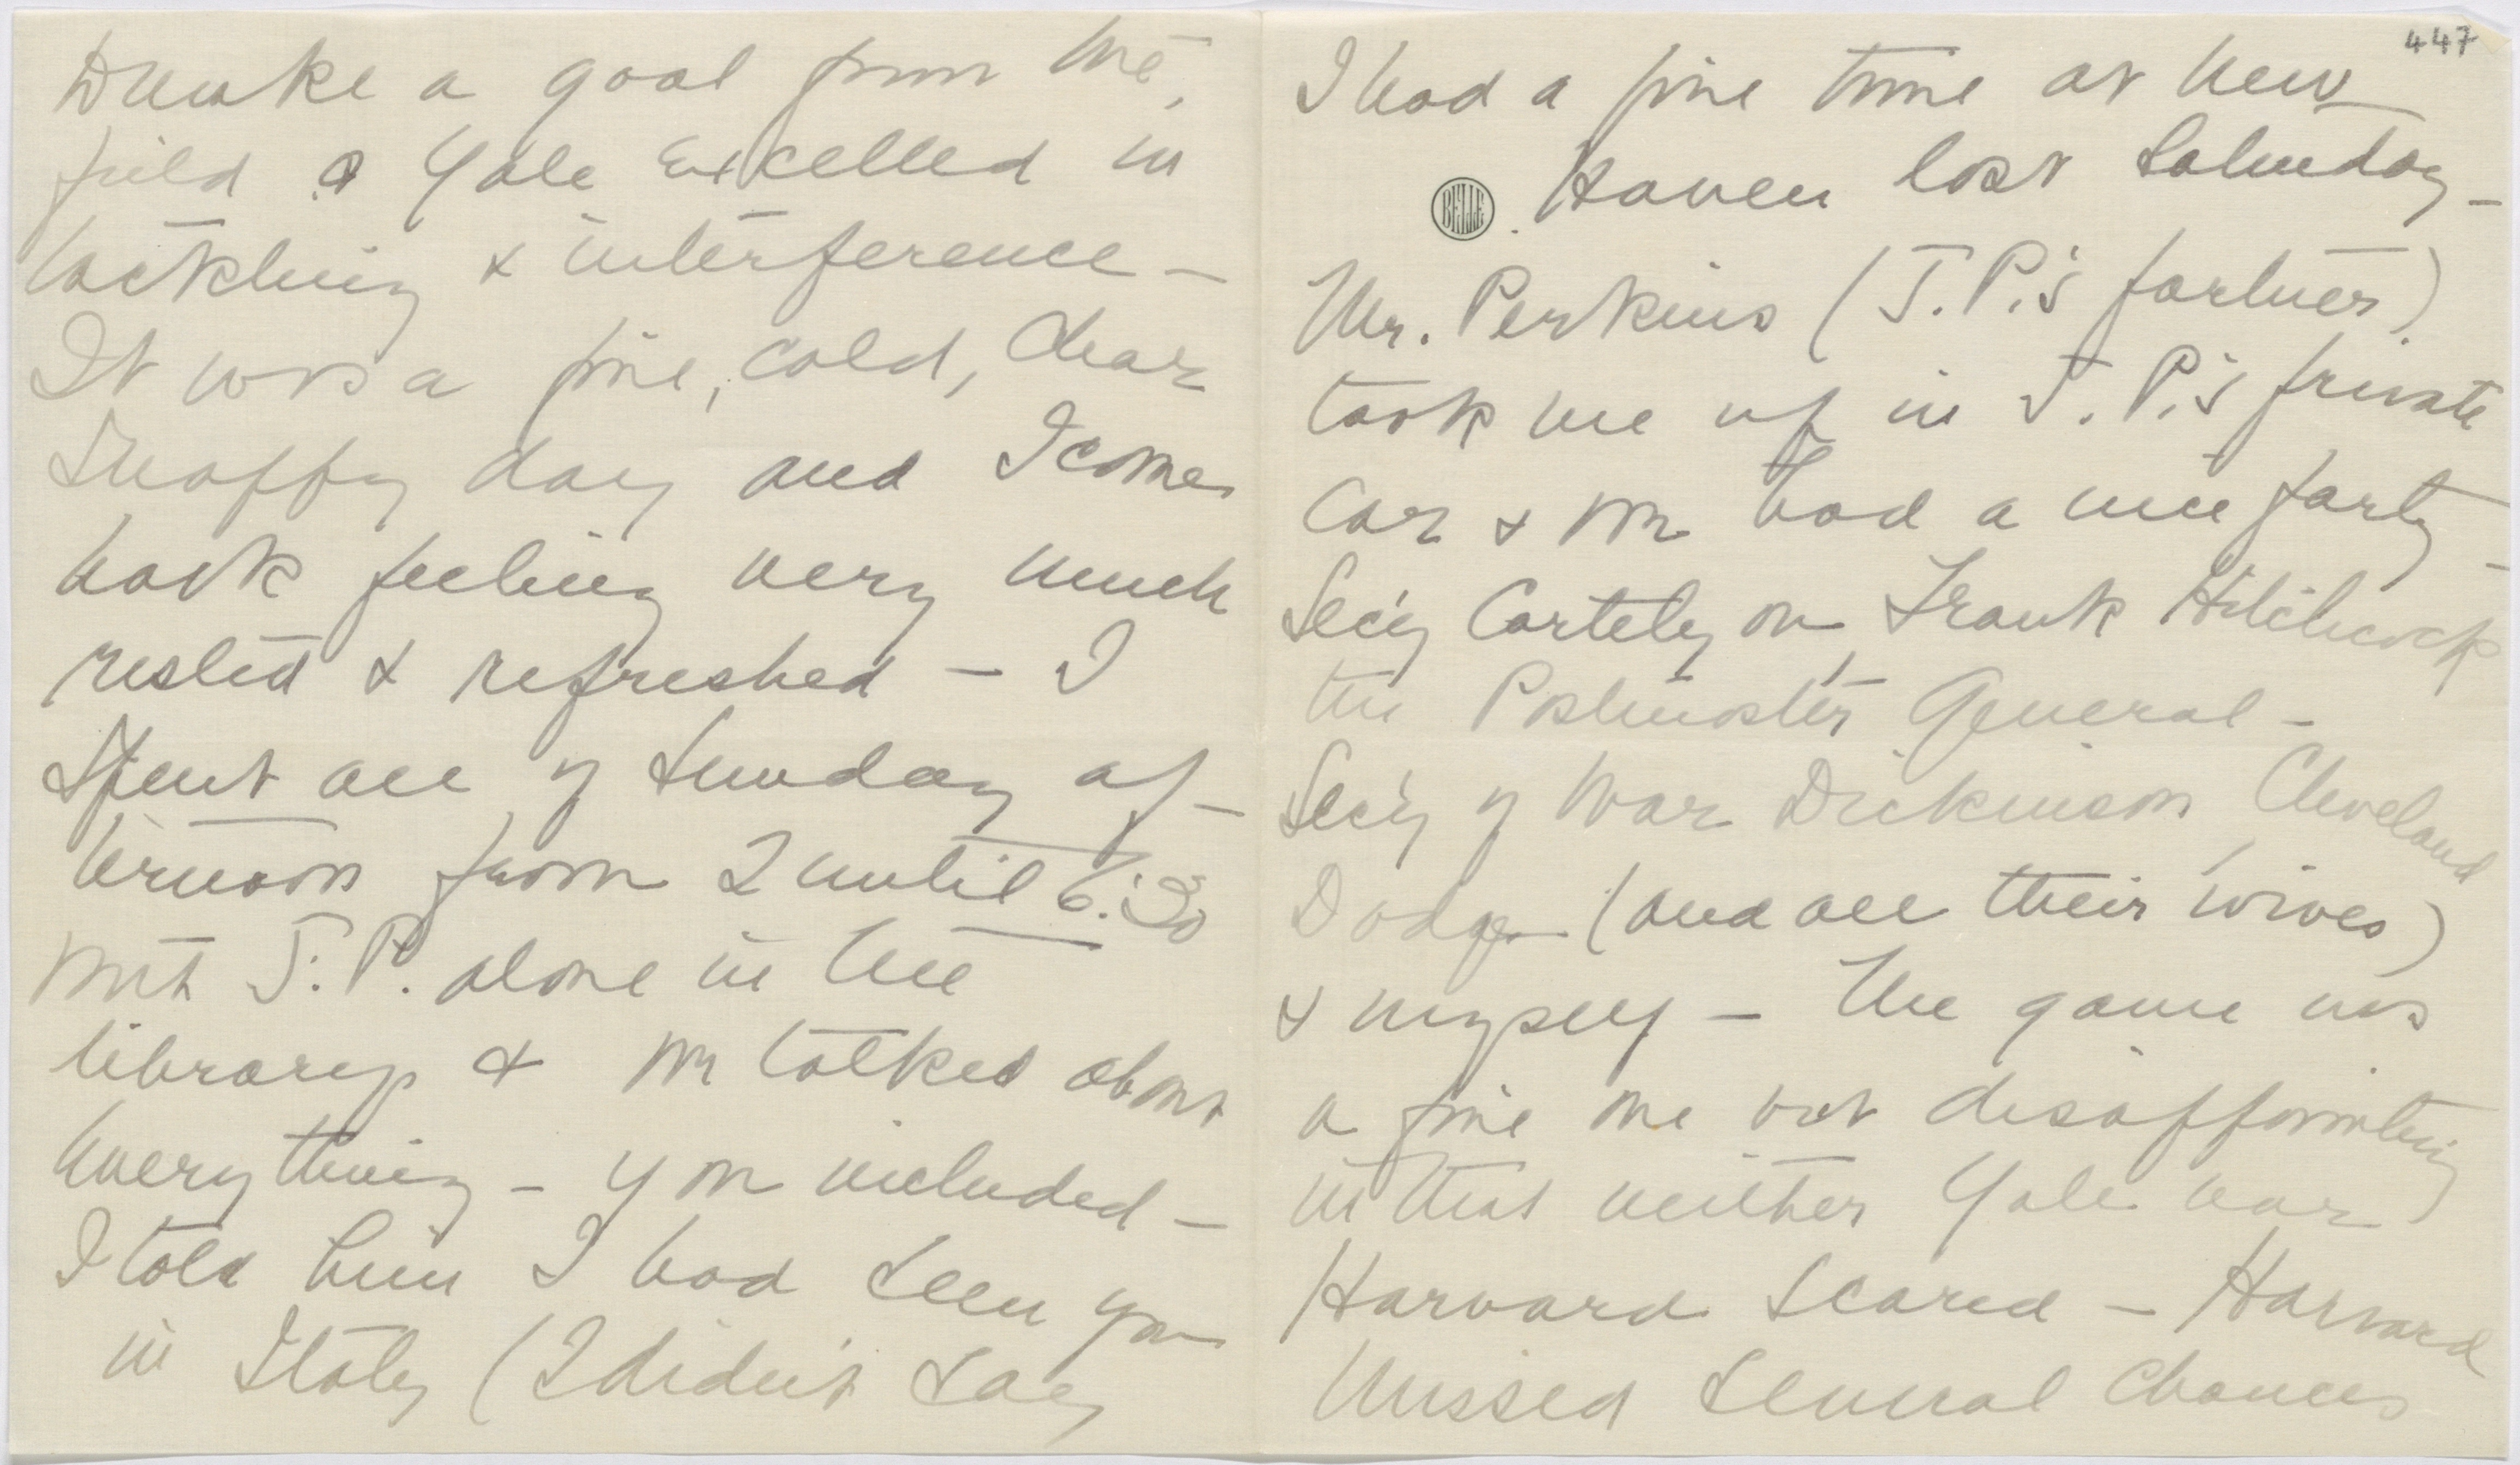I had a fine time at New Haven last Saturday – Mr. Perkins (J. P.’s partner) took me up in J. P.’s private car & we had a nice party – Sec’y Cortelyou Frank Hitchcock the Postmaster General –
Sec’y of War Dickinson, Cleveland Dodge (and all their wives) & myself – The game was a fine one but disappointing in that neither Yale nor Harvard scored – Harvard missed several chances
to make a goal from the field & Yale excelled in tackling & interference – It was a fine, cold, dear snappy day and I came back feeling very much rested & refreshed – I spent all of Sunday afternoon from 2 until 6:30 with J.P. alone in the library & we talked about every thing – you included – I told him I had seen you in Italy (I didn’t say